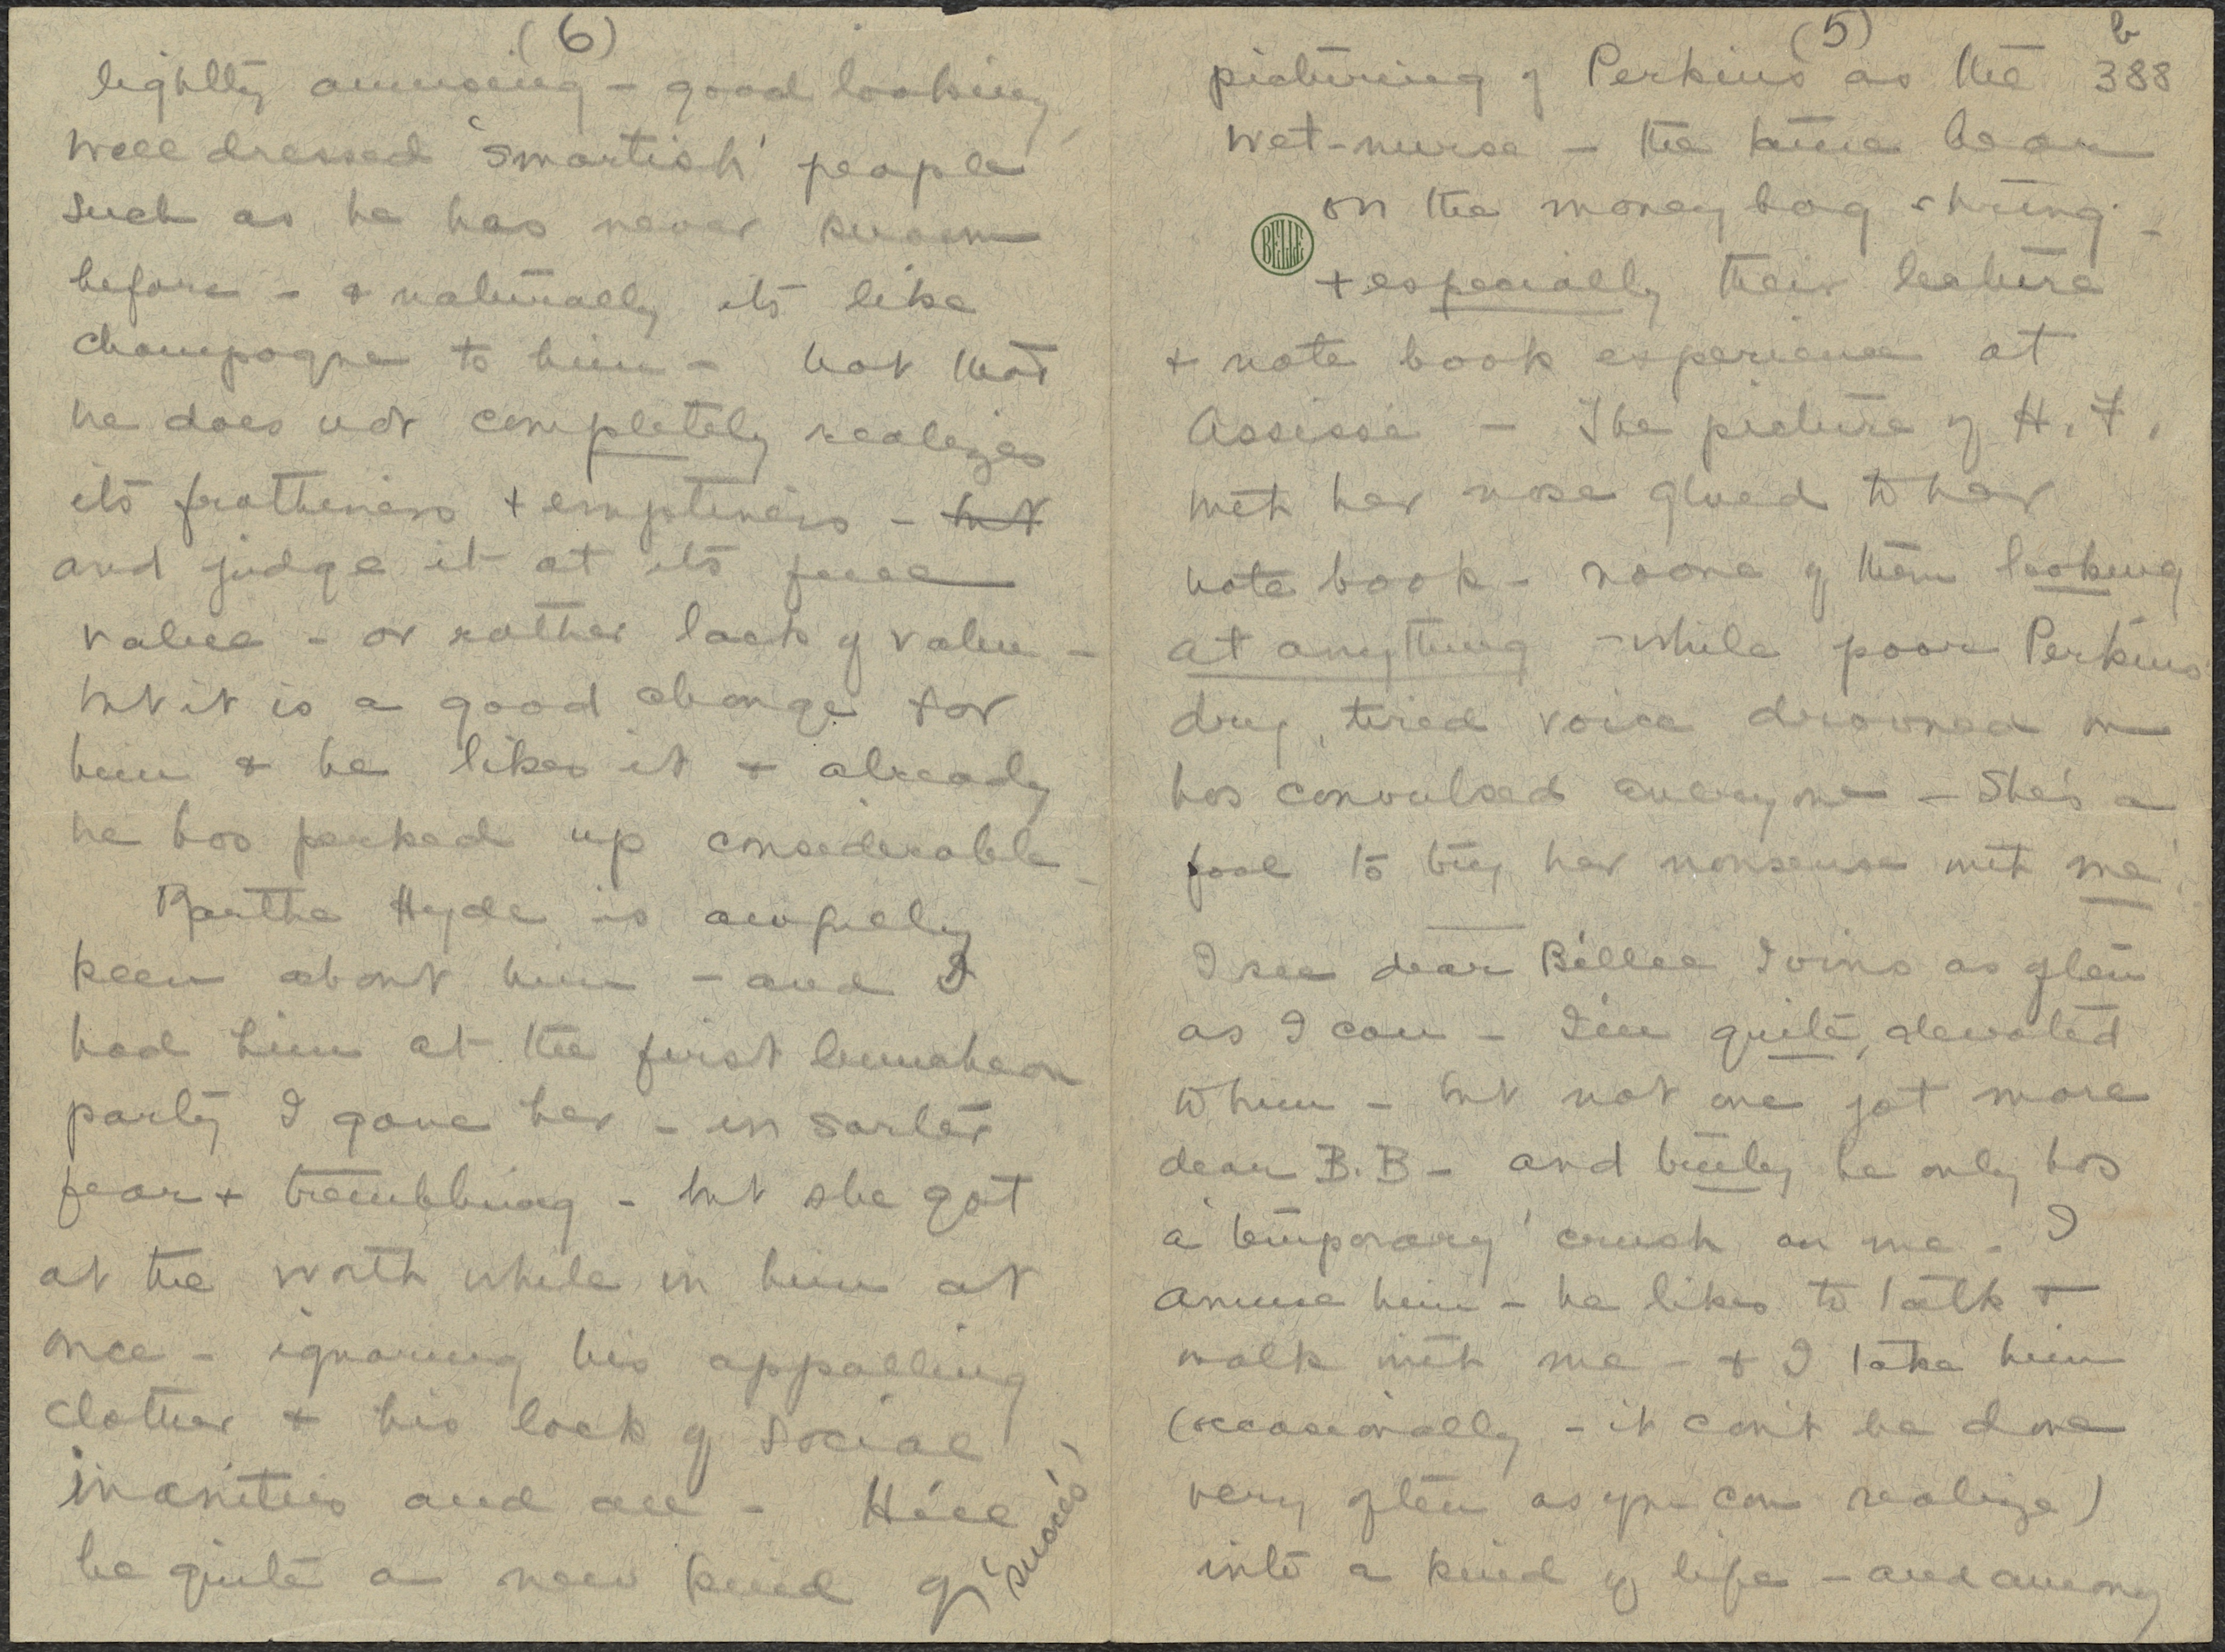picturing of Perkins as the wet-nurse – the tame bear on the money bag string – & especially their lecture & note book experience at Assissi [sic] – The picture of H.F. with her nose glued to her note book – noone [sic] of them looking at anything – while poor Perkins’ dry, tired voiced drowned on has convulsed everyone – She’s a fool to try her nonsense with me!
I see dear Billee Ivins as often as I can – I’m quite devoted to him – but not one jot more dear B.B – and truly he only has a ‘temporary’ crush on me. I amuse him – he likes to talk & walk with me – & I take him (occasionally – it can’t be done very often as you can realize) into a kind of life – and among
lightly amusing – good looking well dressed ‘smartish’ people such as he has never known before – & naturally it’s like champagne to him – not that he does not completely realizes [sic] its frothiness & emptiness – but and judge it at its face value – or rather lack of value – but it is a good change for him & he likes it & already he has perked up considerable –
Martha Hyde is awfully keen about him – and I had him at the first luncheon party I gave her – in sorter fear & trembling – but she got at the worth while in him at once – ignoring his appalling clothes & his lack of facial inanities and all – He’ll be quite a new kind of [on the right margin: ‘succès’!]